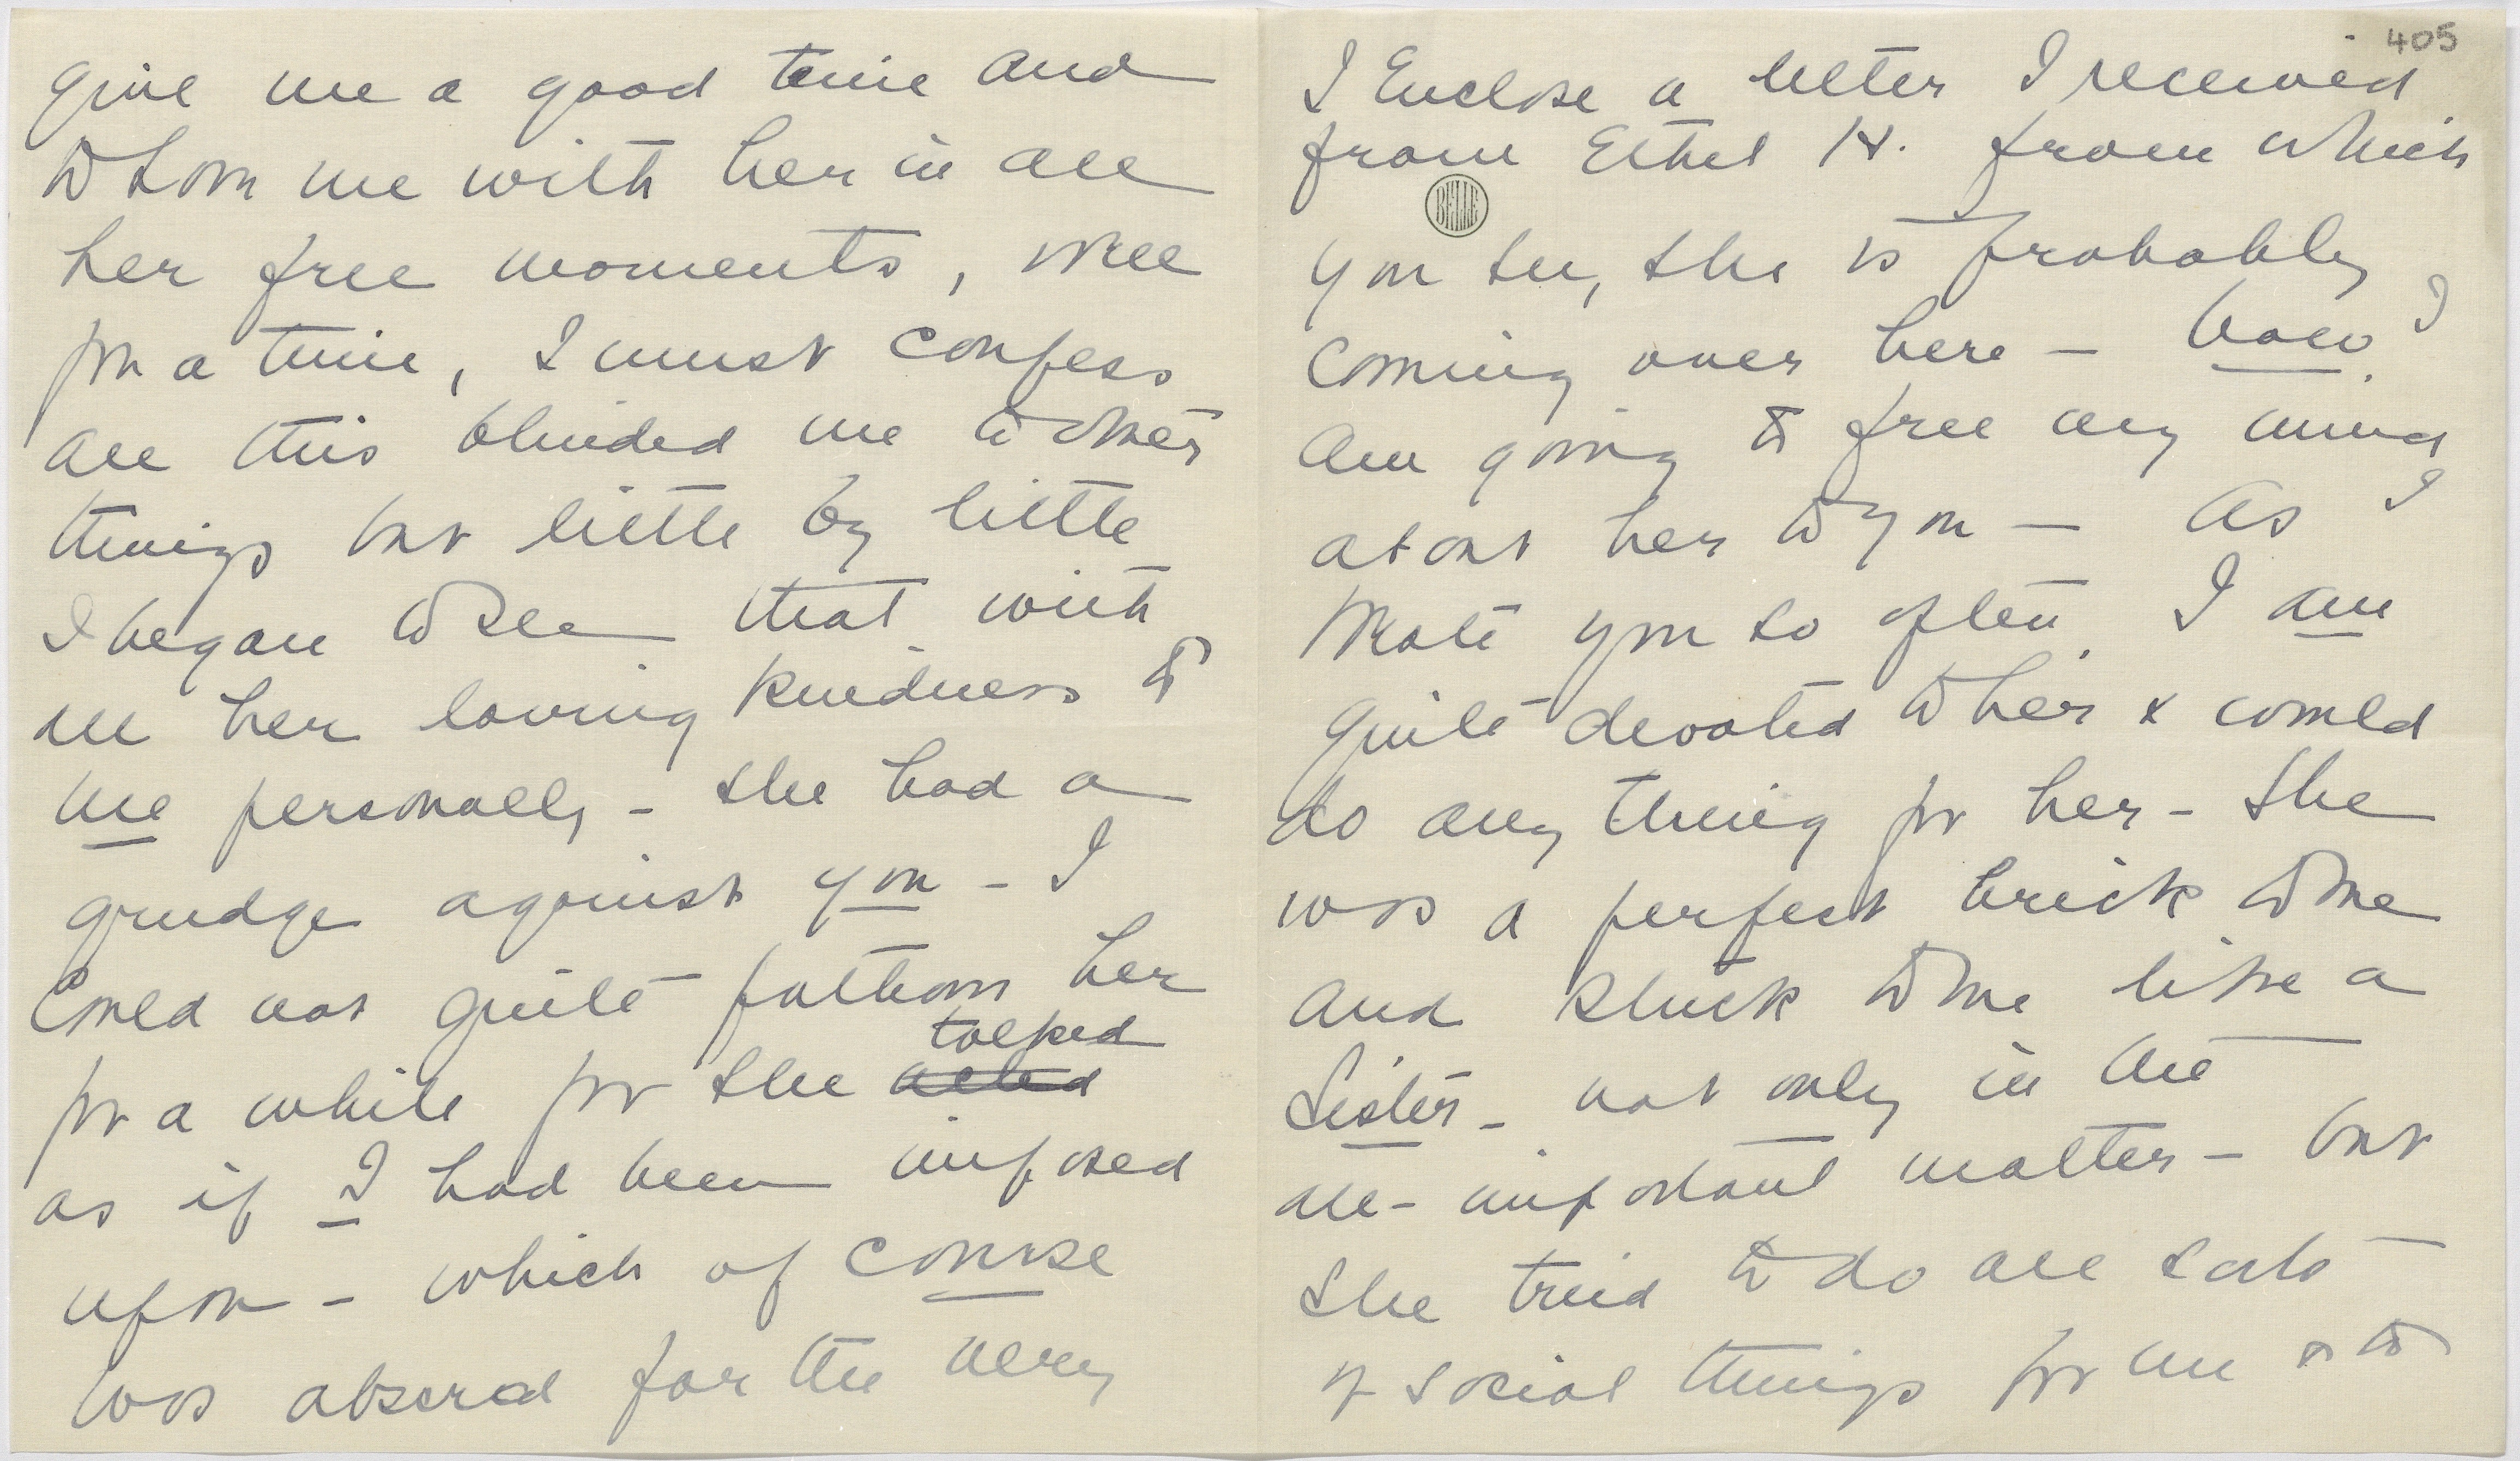I enclose a letter I received from Ethel H. from which you see, she is probably coming over here – Now I am going to free my mind about her to you – As I wrote you so often, I am quite devoted to her & would do any thing for her – She was a perfect brick to me and stuck to me like a Sister – not only in the all-important matter – but she tried to do all sorts of social things for me & to
give me a good time and to have me with her in all her free moments, well for a time, I must confess all this blinded me to other things but little by little I began to see that with all her loving kindness to me personally – she had a grudge against you – I could not quite fathom her for a while for she acted talked as if I had been imposed upon – which of course was absurd for the very